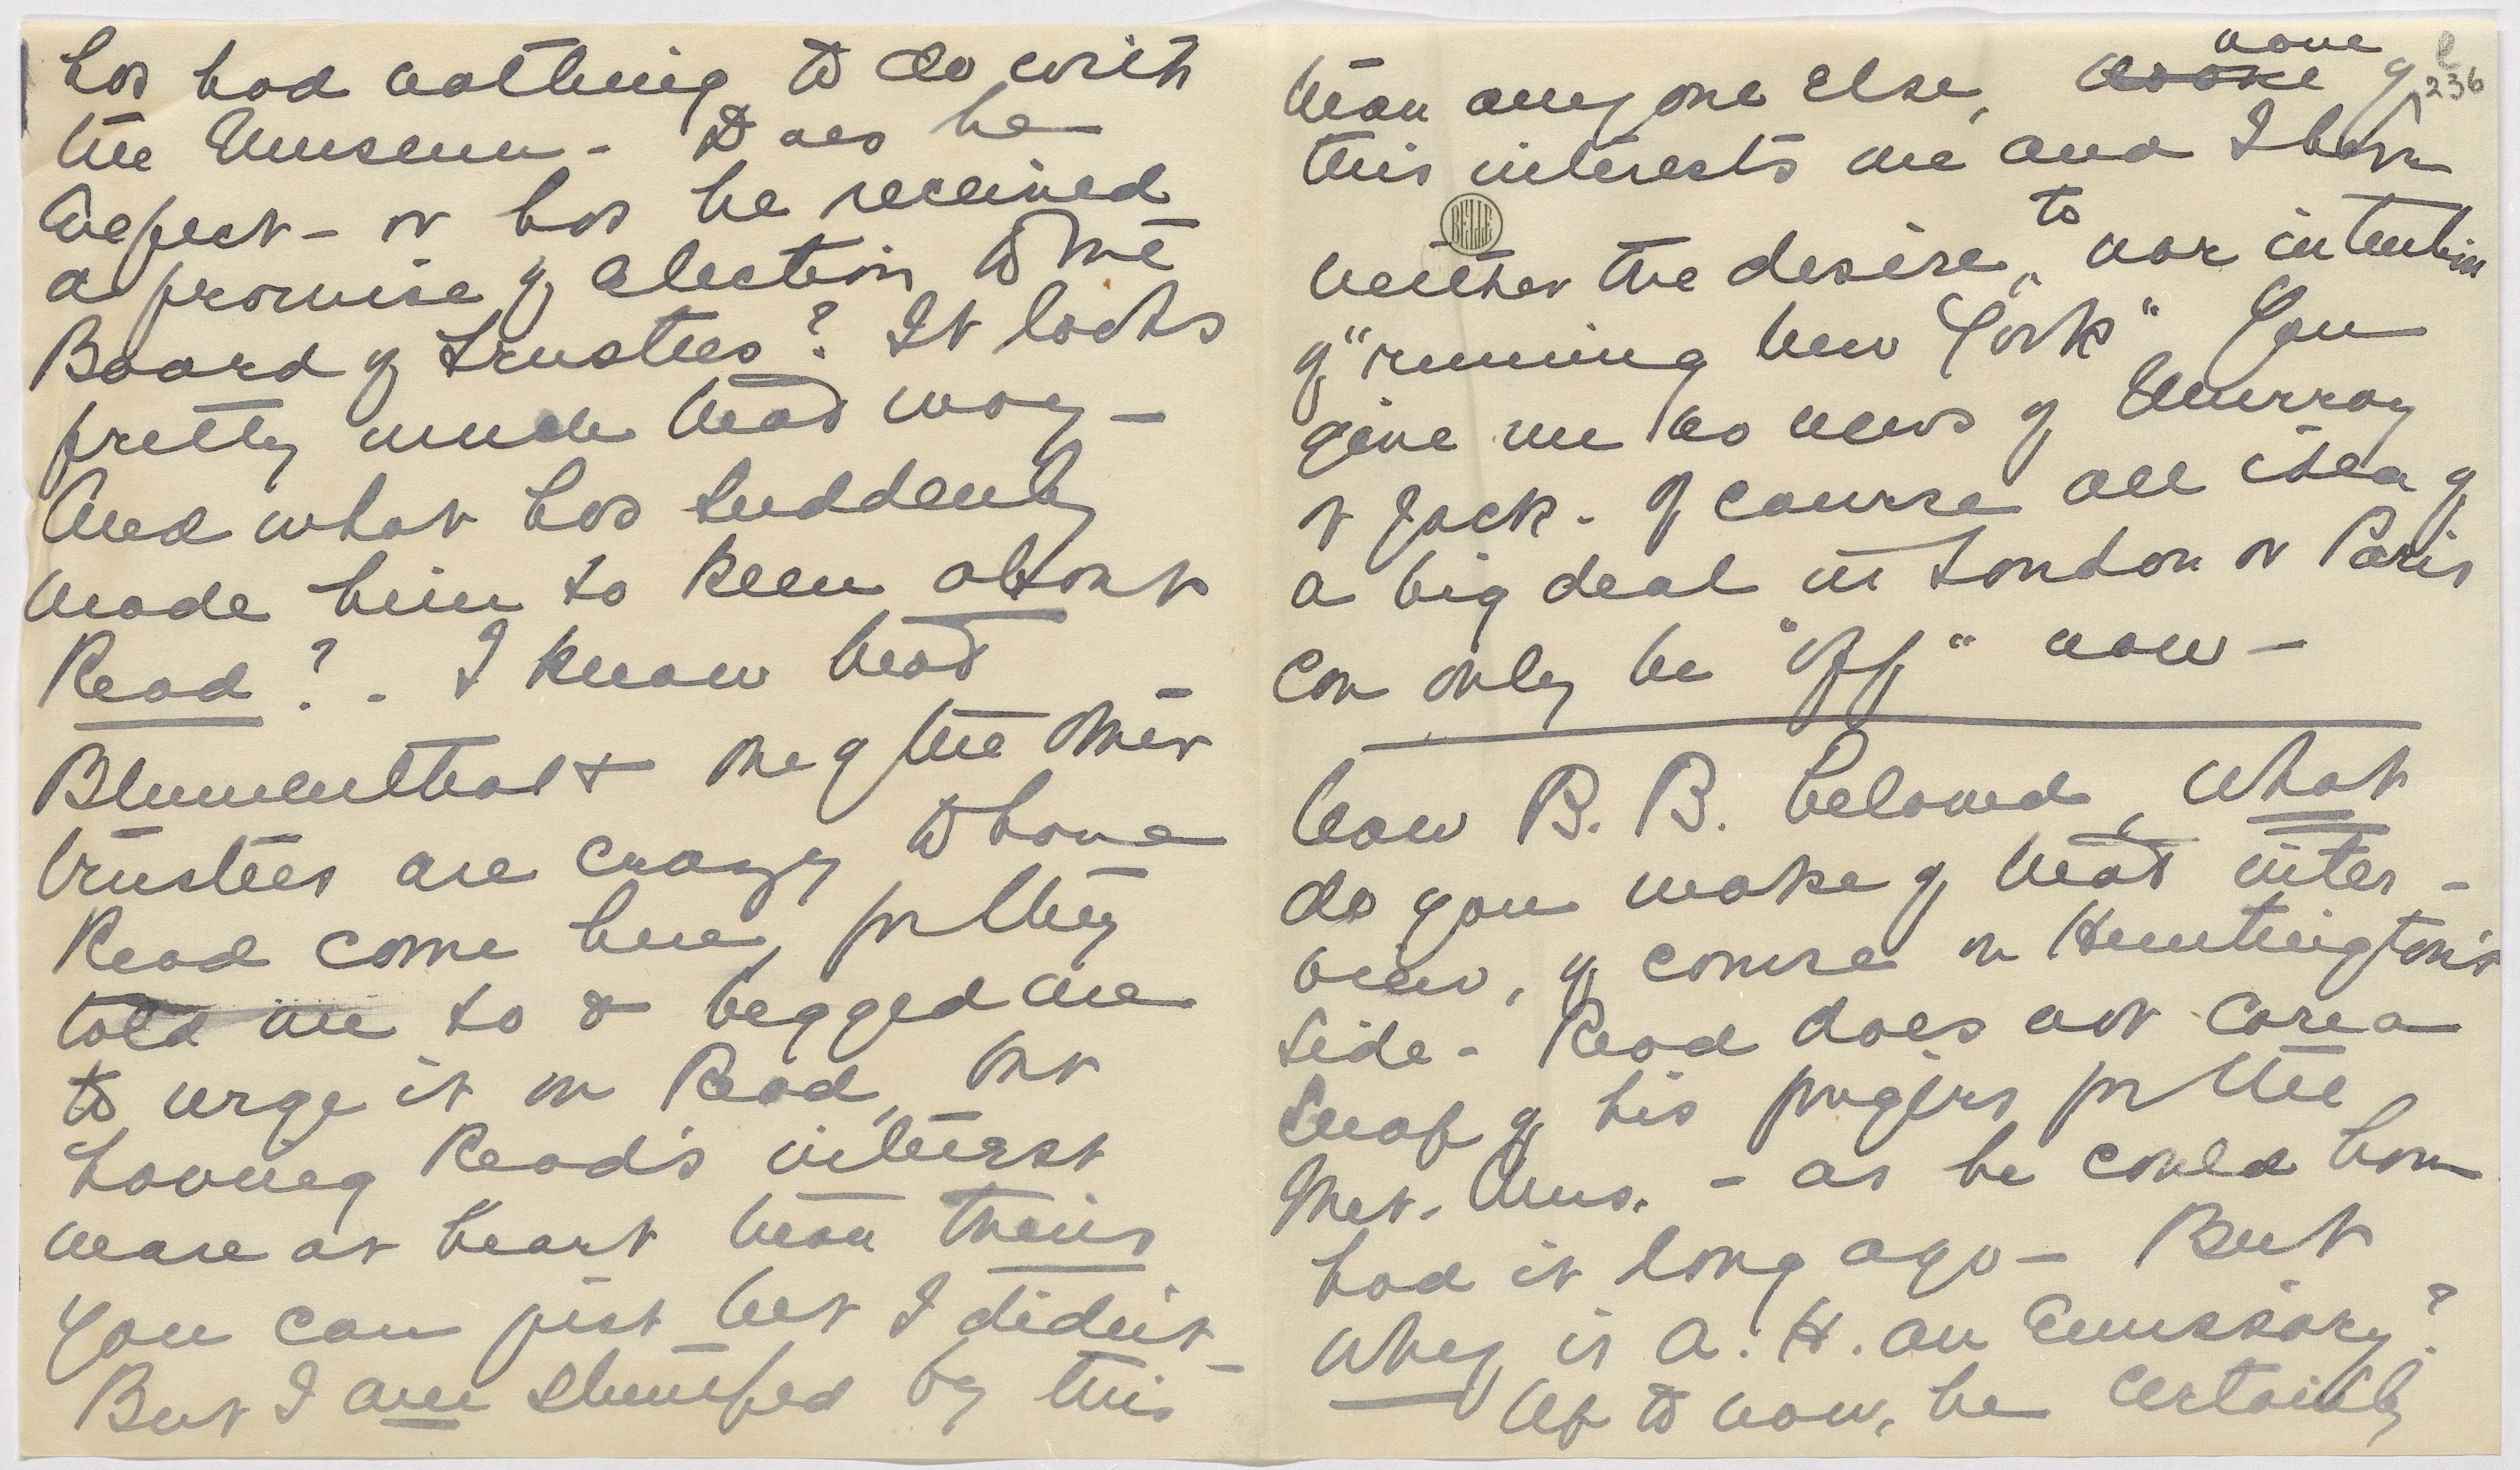than anyone else, no one [^none^] of this interests me and I have neither the desire [^to^] nor intention of “running New York” You give me no news of Murray or Jack. Of course an idea of a big deal in London or Paris can only be “off” now –
Now B.B. beloved, [double underlined: what] do you make of that interview, of course on Huntington’s side – Read does not care a snap of his fingers for the Met. Mus. – as he could have had it long ago – But why is A. H. an emissary? Up to now, he certainly
has had nothing to do with the Museum – Does he expect – or has he received a promise of election to the Board of Trustees? It looks pretty much that way – and what has suddenly made him so keen about Read? – I know that Blumenthal & one of the other trustees are crazy to have Read come here, for they told me so & begged me to urge it on Read, but having Read’s interest more at heart than theirs
You can just bet I didn't – But I am stumped by this